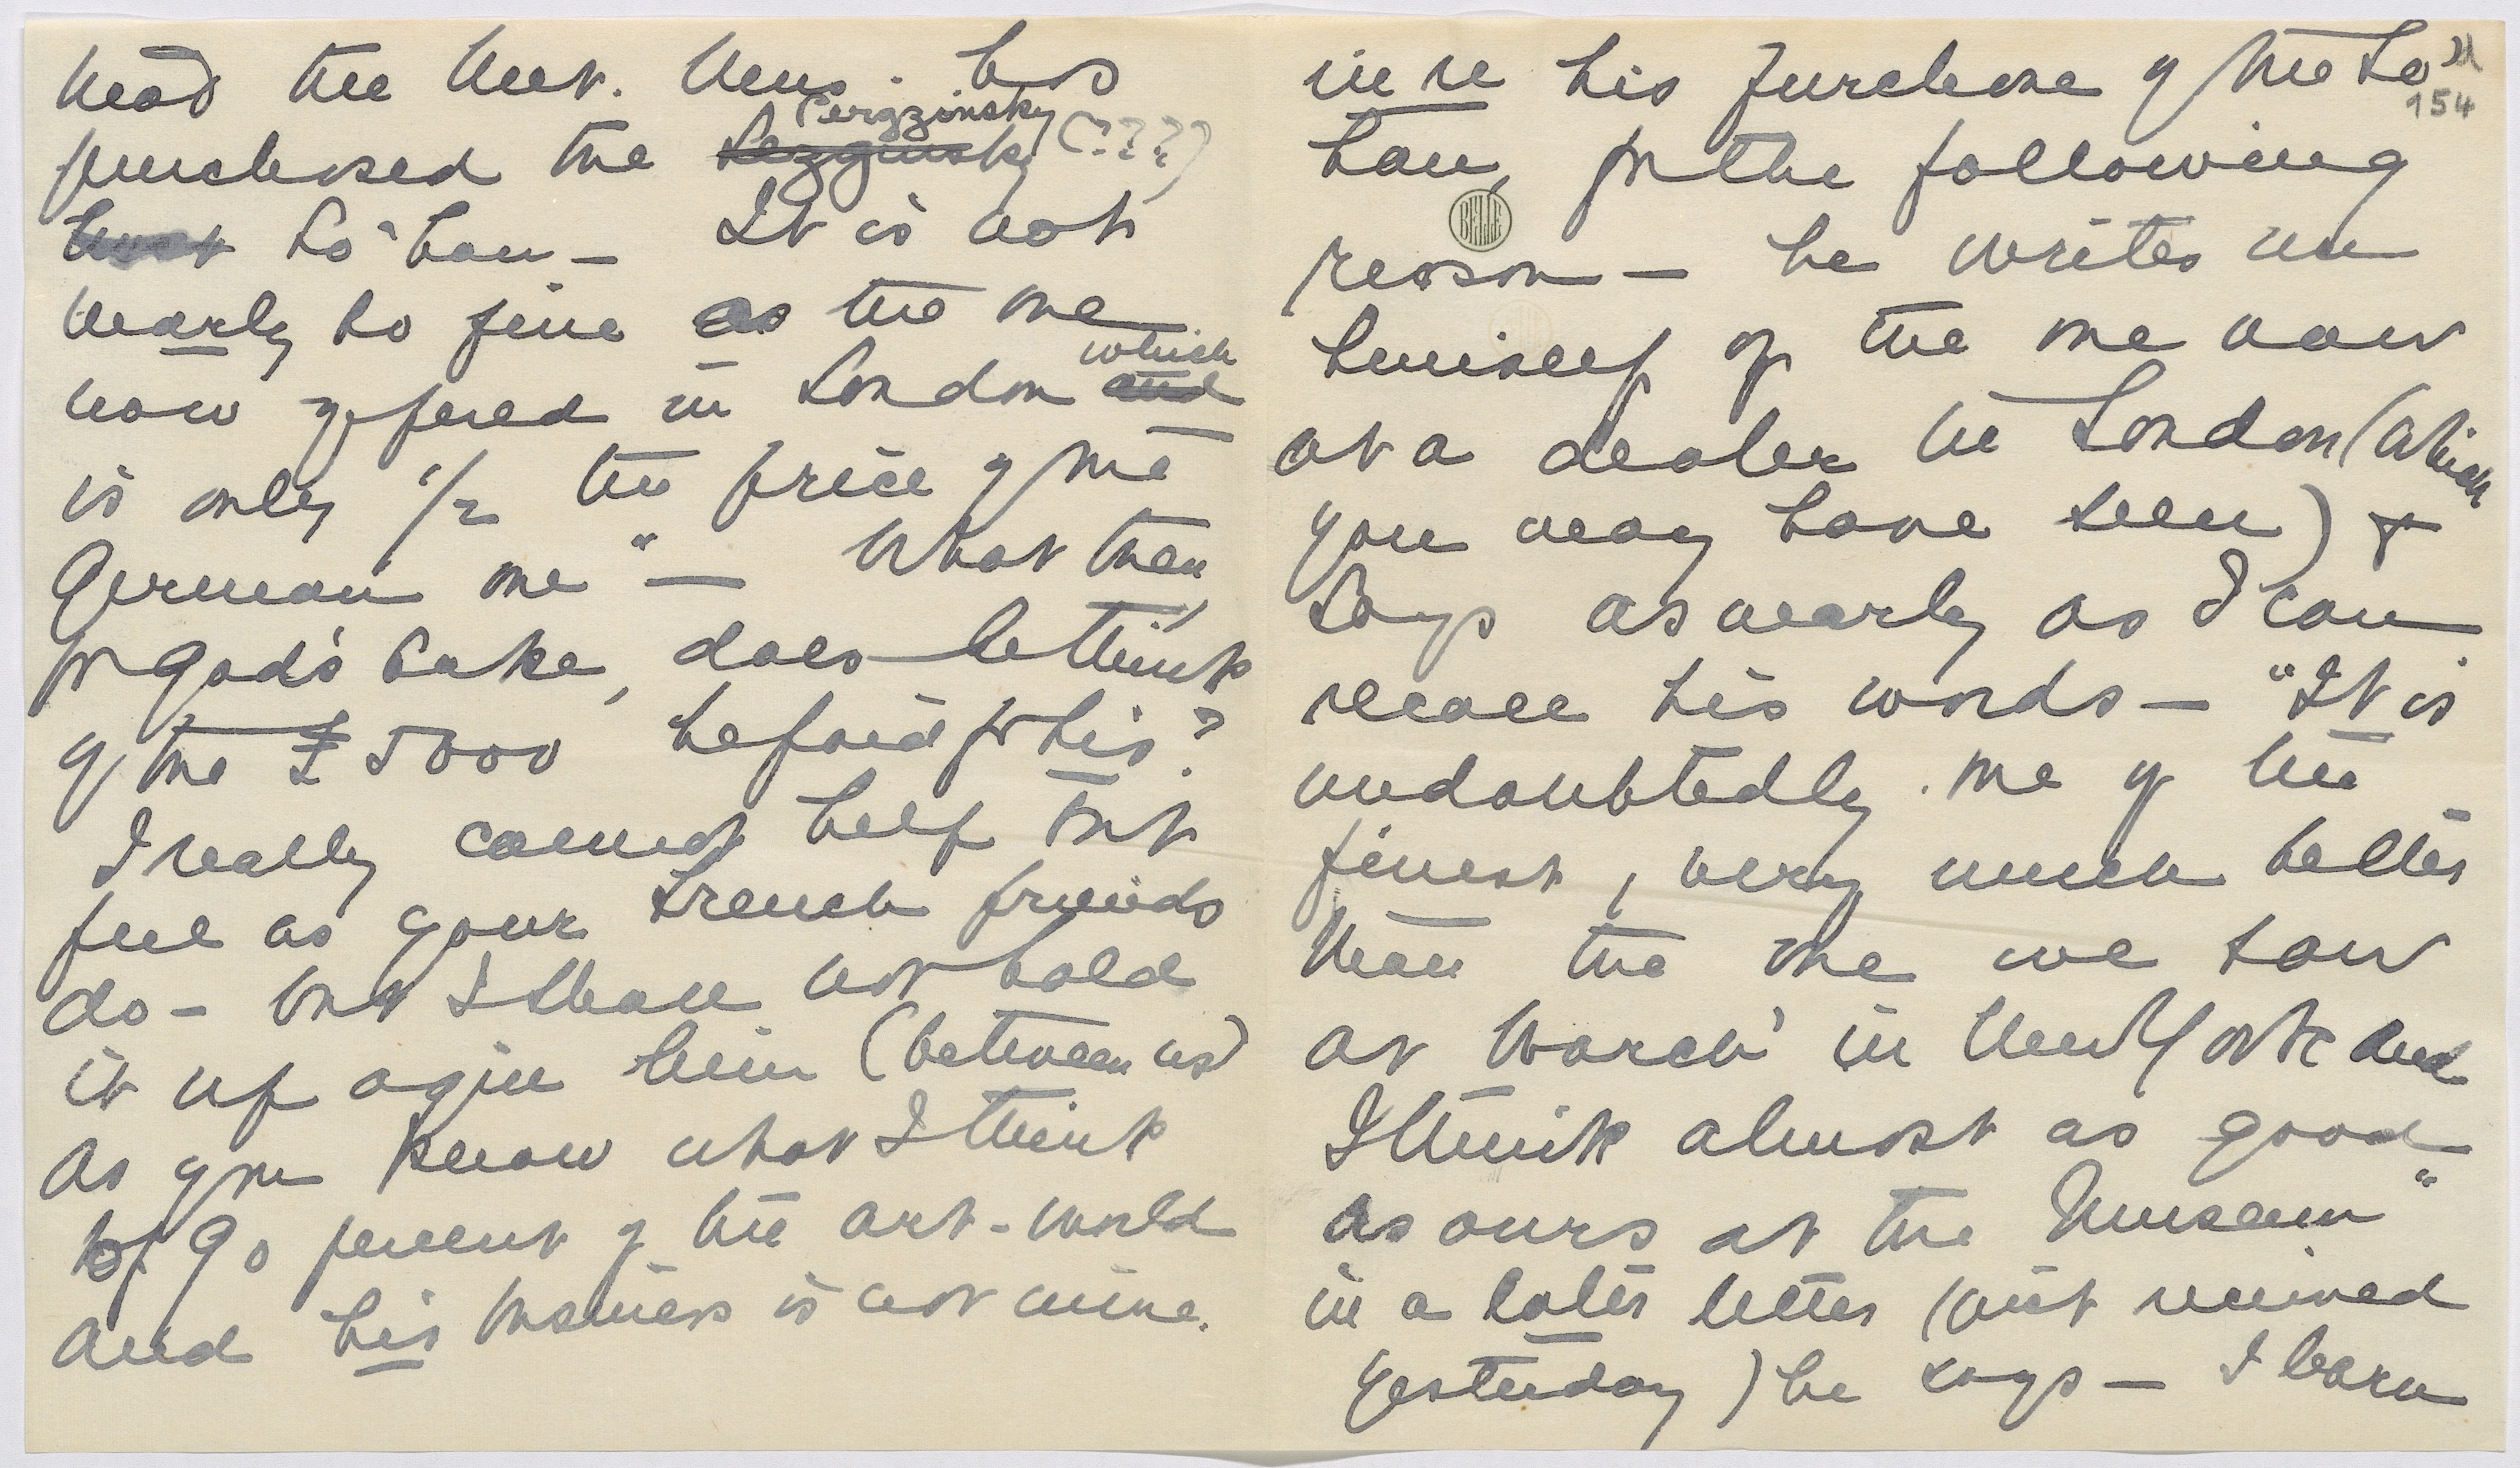in re his purchase of the Lo’han, for the following reason – he writes me himself of the one now at a dealer in London (which you may have seen) & says as nearly as I can recall his words – “It is undoubtedly one of the finest, very much better than the one we saw at Worch’ in New York and I think almost as good as ours at the Museum” in a later letter (just received yesterday) he says – I learn
that the Met. Mus. has purchased the Sezginsky [^Pergzinsky^] (???) bust Lo’han – It is not nearly so fine as the one now offered in London and [^which^] is only ½ the price of the German one” – What then for God’s sake, does he think of the £5000 he paid for his?
I really cannot help but feel as your French friends do – but I shall not hold it up agin him (between us) as you know what I think of 90 percent of the art-world and his business is not mine.